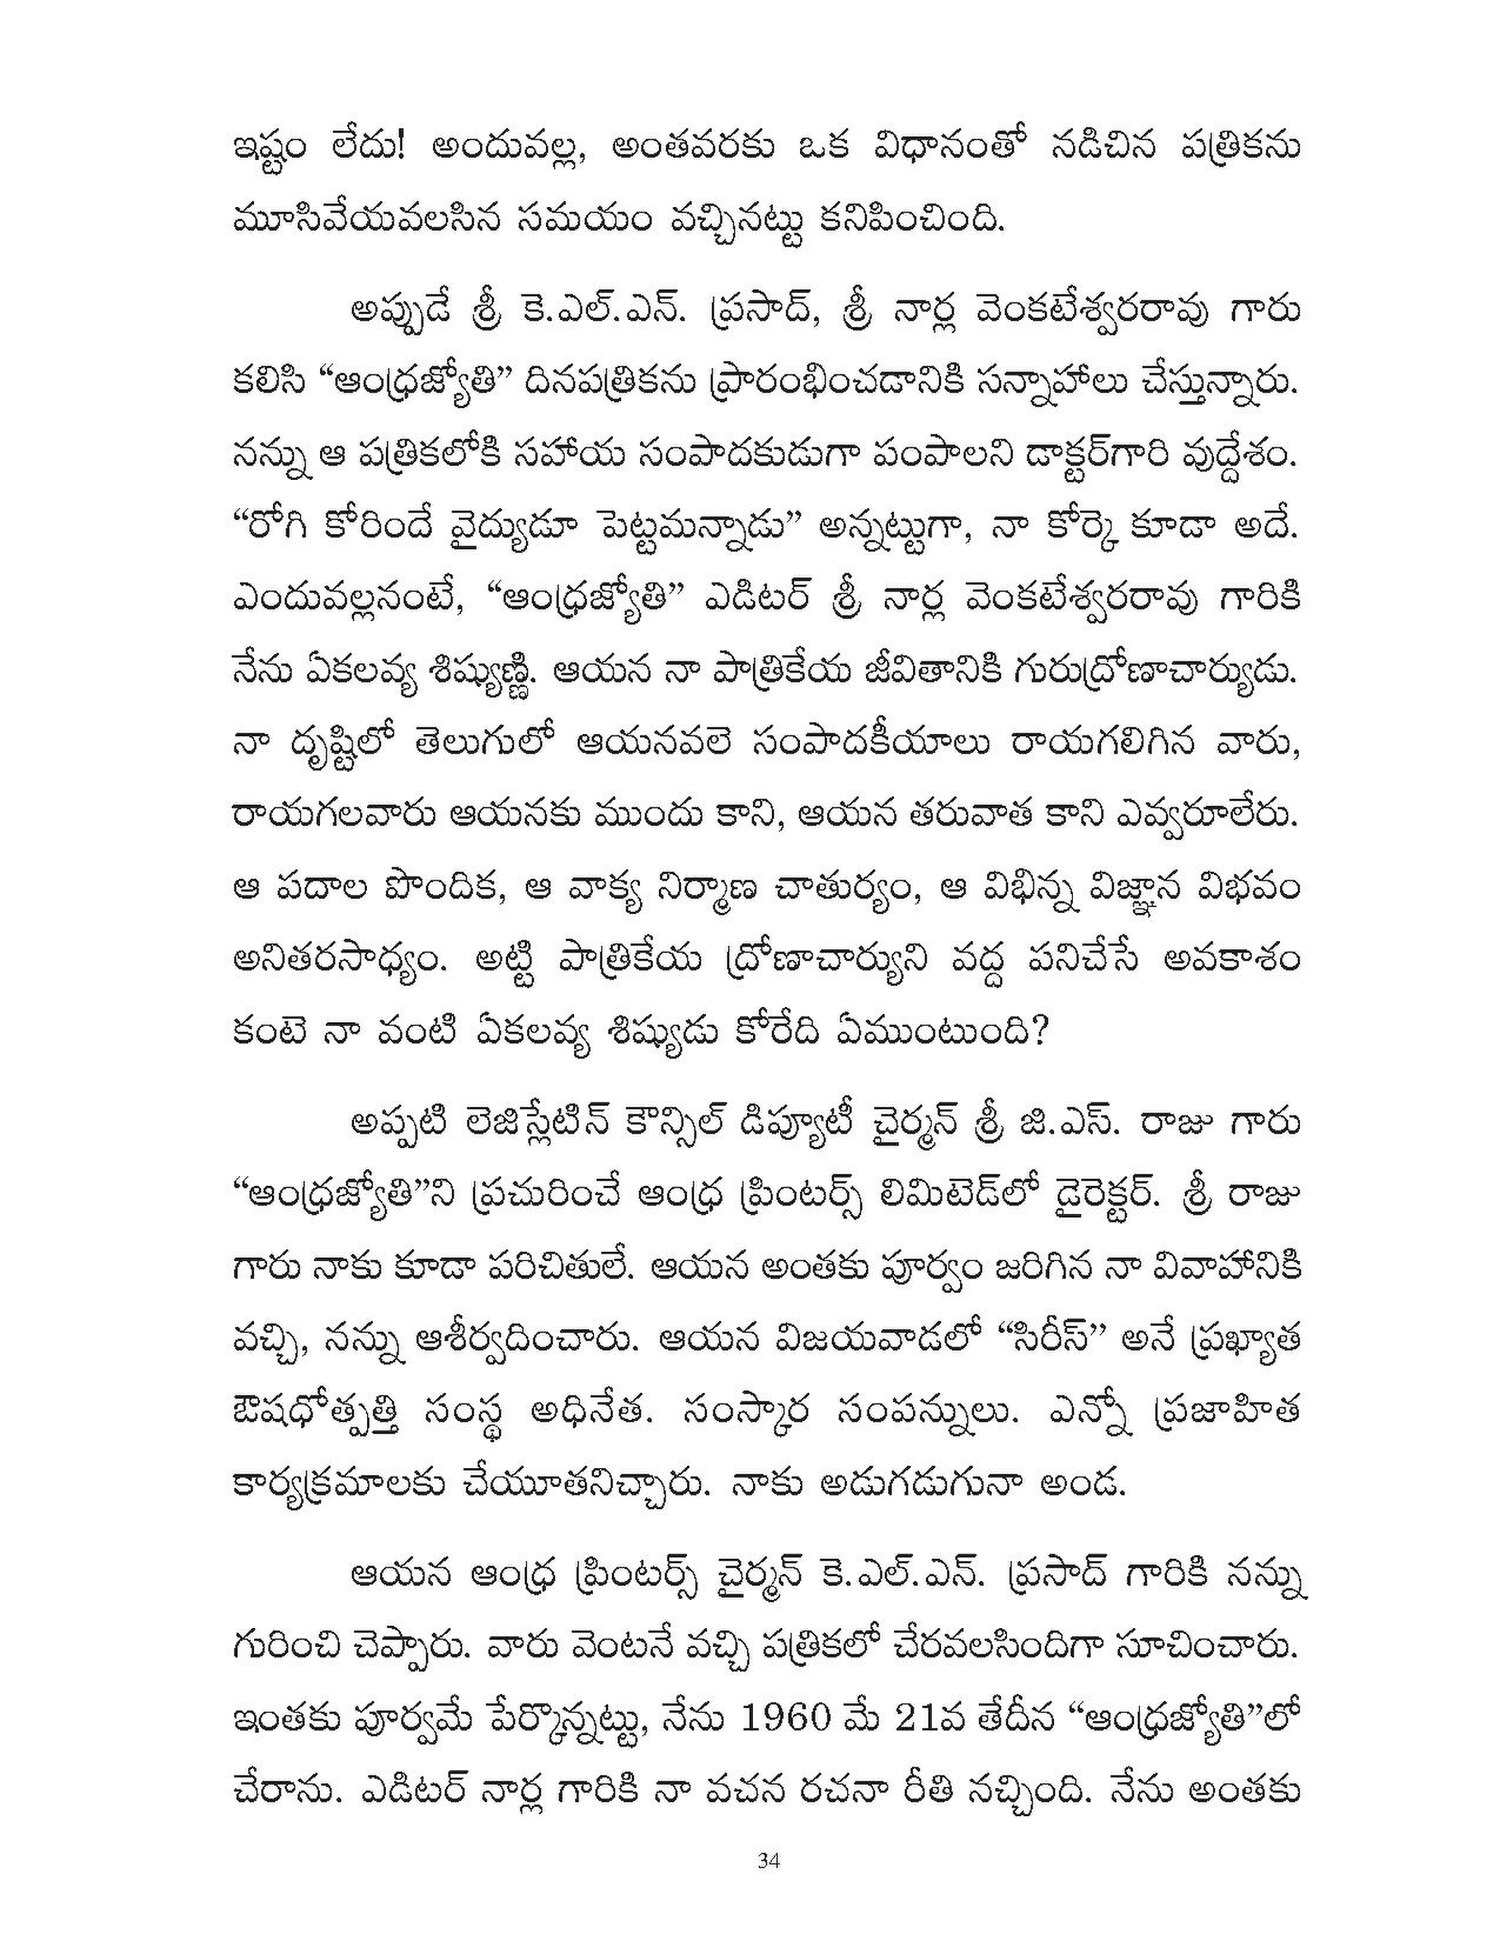ఇష్టం లేదు! అందువల్ల, అంతవరకు ఒక విధానంతో నడిచిన పత్రికను
మూసివేయవలసిన సమయం వచ్చినట్టు కనిపించింది.

అప్పుడే శ్రీ కె.ఎల్‌.ఎన్‌. ప్రసాద్‌, శ్రీ నార్ల వెంకటేశ్వరరావు గారు
కలిసి "ఆంధ్రజ్యోతి" దినపత్రికను ప్రారంభించడానికి సన్నాహాలు చేస్తున్నారు.
నన్ను ఆ పత్రికలోకి సహాయ సంపాదకుడుగా పంపాలని డాక్టర్‌గారి వుద్దేశం.
"రోగి కోరిందే వైద్యుడూ పెట్టమన్నాడు" అన్నట్టుగా, నా కోర్కె కూడా అదే.
ఎందువల్లనంటే, "ఆంధ్రజ్యోతి" ఎడిటర్‌ శ్రీ నార్ల వెంకటేశ్వరరావు గారికి
నేను ఏకలవ్య శిష్యుణ్ణి. ఆయన నా పాత్రికేయ జీవితానికి గురుద్రోణాచార్యుడు.
నా దృష్టిలో తెలుగులో ఆయనవలె సంపాదకీయాలు రాయగలిగిన వారు,
రాయగలవారు ఆయనకు ముందు కాని, ఆయన తరువాత కాని ఎవ్వరూలేరు.
ఆ పదాల పొందిక, ఆ వాక్య నిర్మాణ చాతుర్యం, ఆ విభిన్న విజ్ఞాన విభవం
అనితరసాధ్యం. అట్టి పాత్రికేయ ద్రోణాచార్యుని వద్ద పనిచేసే అవకాశం
కంటె నా వంటి ఏకలవ్య శిష్యుడు కోరేది ఏముంటుంది?

అప్పటి లెజిస్లేటిన్‌ కౌన్సిల్‌ డిప్యూటీ చైర్మన్‌ శ్రీ జి.ఎస్‌. రాజు గారు
"ఆంధ్రజ్యోతి"ని ప్రచురించే ఆంధ్ర ప్రింటర్స్‌ లిమిటెడ్ లో డైరెక్టర్‌. శ్రీ రాజు
గారు నాకు కూడా పరిచితులే. ఆయన అంతకు పూర్వం జరిగిన నా వివాహానికి
వచ్చి, నన్ను ఆశీర్వదించారు. ఆయన విజయవాడలో "సిరీస్‌" అనే ప్రఖ్యాత
ఔషధోత్పత్తి సంస్థ అధినేత. సంస్కార సంపన్నులు. ఎన్నో ప్రజాహిత
కార్యక్రమాలకు చేయూతనిచ్చారు. నాకు అడుగడుగునా అండ.

ఆయన ఆంధ్ర ప్రింటర్స్‌ చైర్మన్‌ కె.ఎల్‌.ఎన్‌. ప్రసాద్‌ గారికి నన్ను
గురించి చెప్పారు. వారు వెంటనే వచ్చి పత్రికలో చేరవలసిందిగా సూచించారు.
ఇంతకు పూర్వమే పేర్కొన్నట్టు, నేను 1960 మే 21వ తేదీన "ఆంధ్రజ్యోతి"లో
చేరాను. ఎడిటర్‌ నార్ల గారికి నా వచన రచనా రీతి నచ్చింది. నేను అంతకు